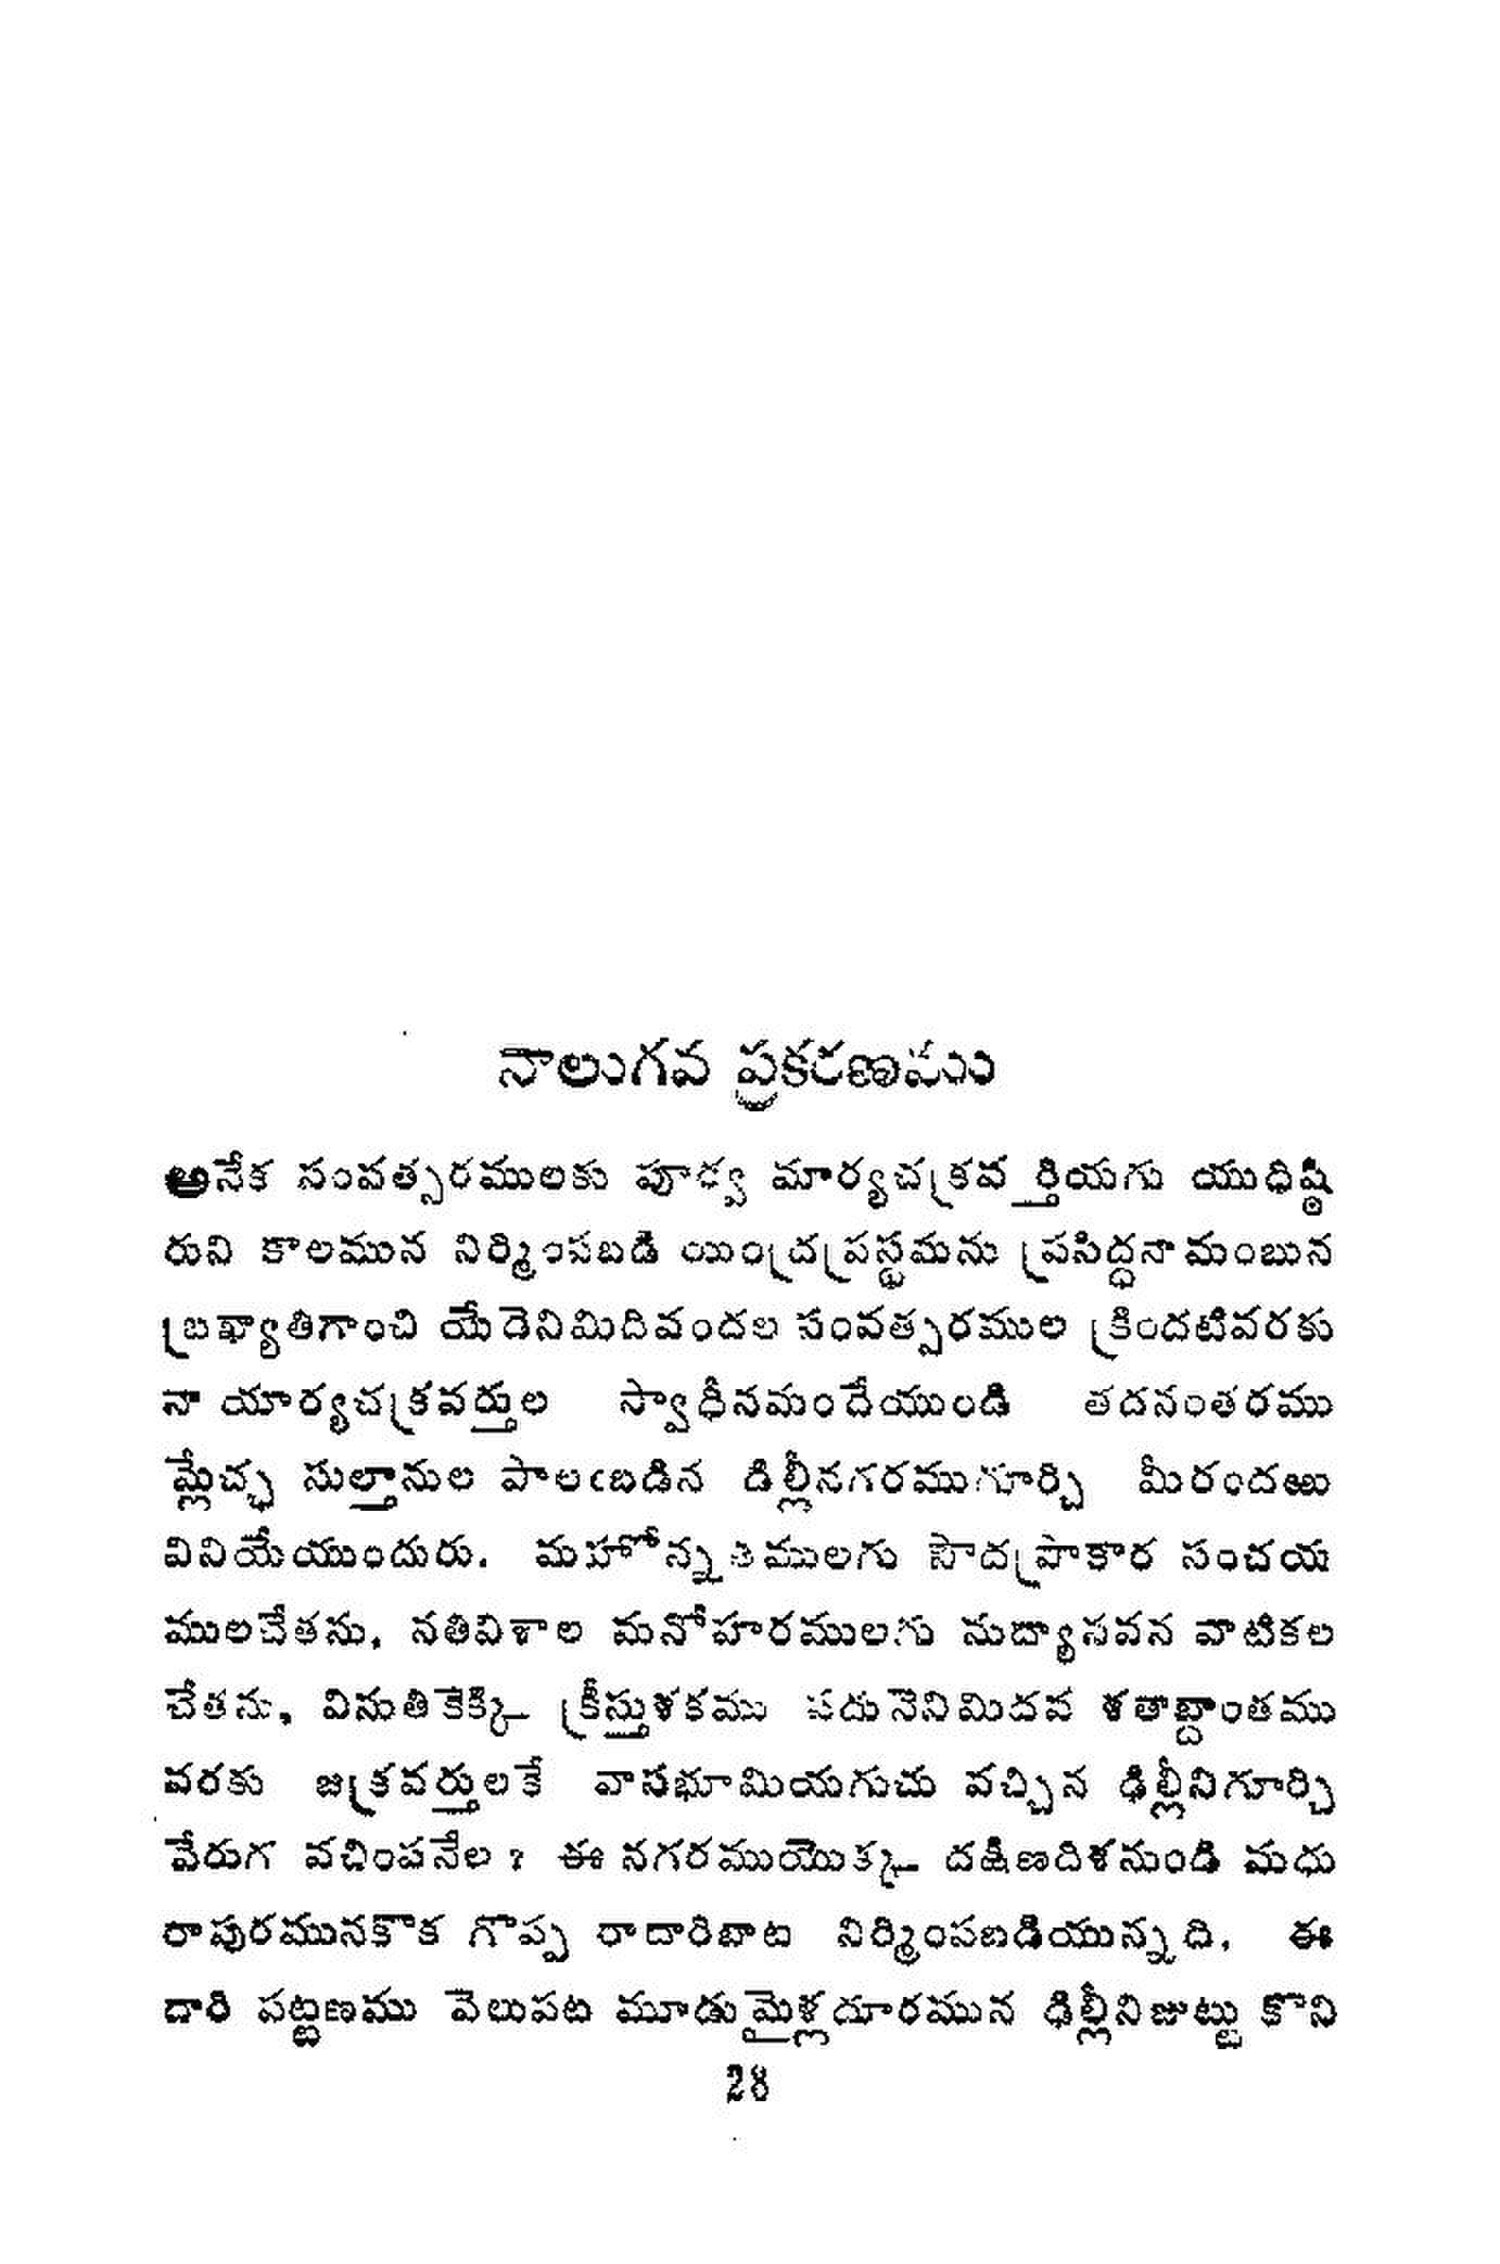నాలుగవ ప్రకరణము

నేక సంవత్సరములకు పూర్వ మార్యచక్రవర్తియగు యుధిష్ఠిరుని కాలమున నిర్మింపబడి యింద్రప్రస్థమను ప్రసిద్ధనామంబున బ్రఖ్యాతిగాంచి యేడెనిమిదివందల సంవత్సరముల క్రిందటివరకు నా యార్యచక్రవర్తుల స్వాధీనమందేయుండి తదనంతరము
మ్లేచ్చ సుల్తానుల పాలఁబడిన డిల్లీనగరమగూర్చి మీరందఱు వినియేయుందురు. మహోన్నతములగు సౌదప్రాకార సంచయములచేతను, నతివిశాల మనోహరములగు నుద్యానవన వాటికల చేతను, వినుతికెక్కి క్రీస్తుశకము పదునెనిమిదవ శతాబ్దాంతము వరకు జక్రవర్తులకే వాసభూమియగుచు వచ్చిన ఢిల్లీనిగూర్చి వేరుగ వచింపనేల? ఈ నగరముయొక్క దక్షిణదిశనుండి మధురాపురమునకొక గొప్ప రాదారిబాట నిర్మింపబడియున్నది. ఈ దారి పట్టణము వెలుపట మూడు మైళ్లదూరమున ఢిల్లీని జుట్టుకొని